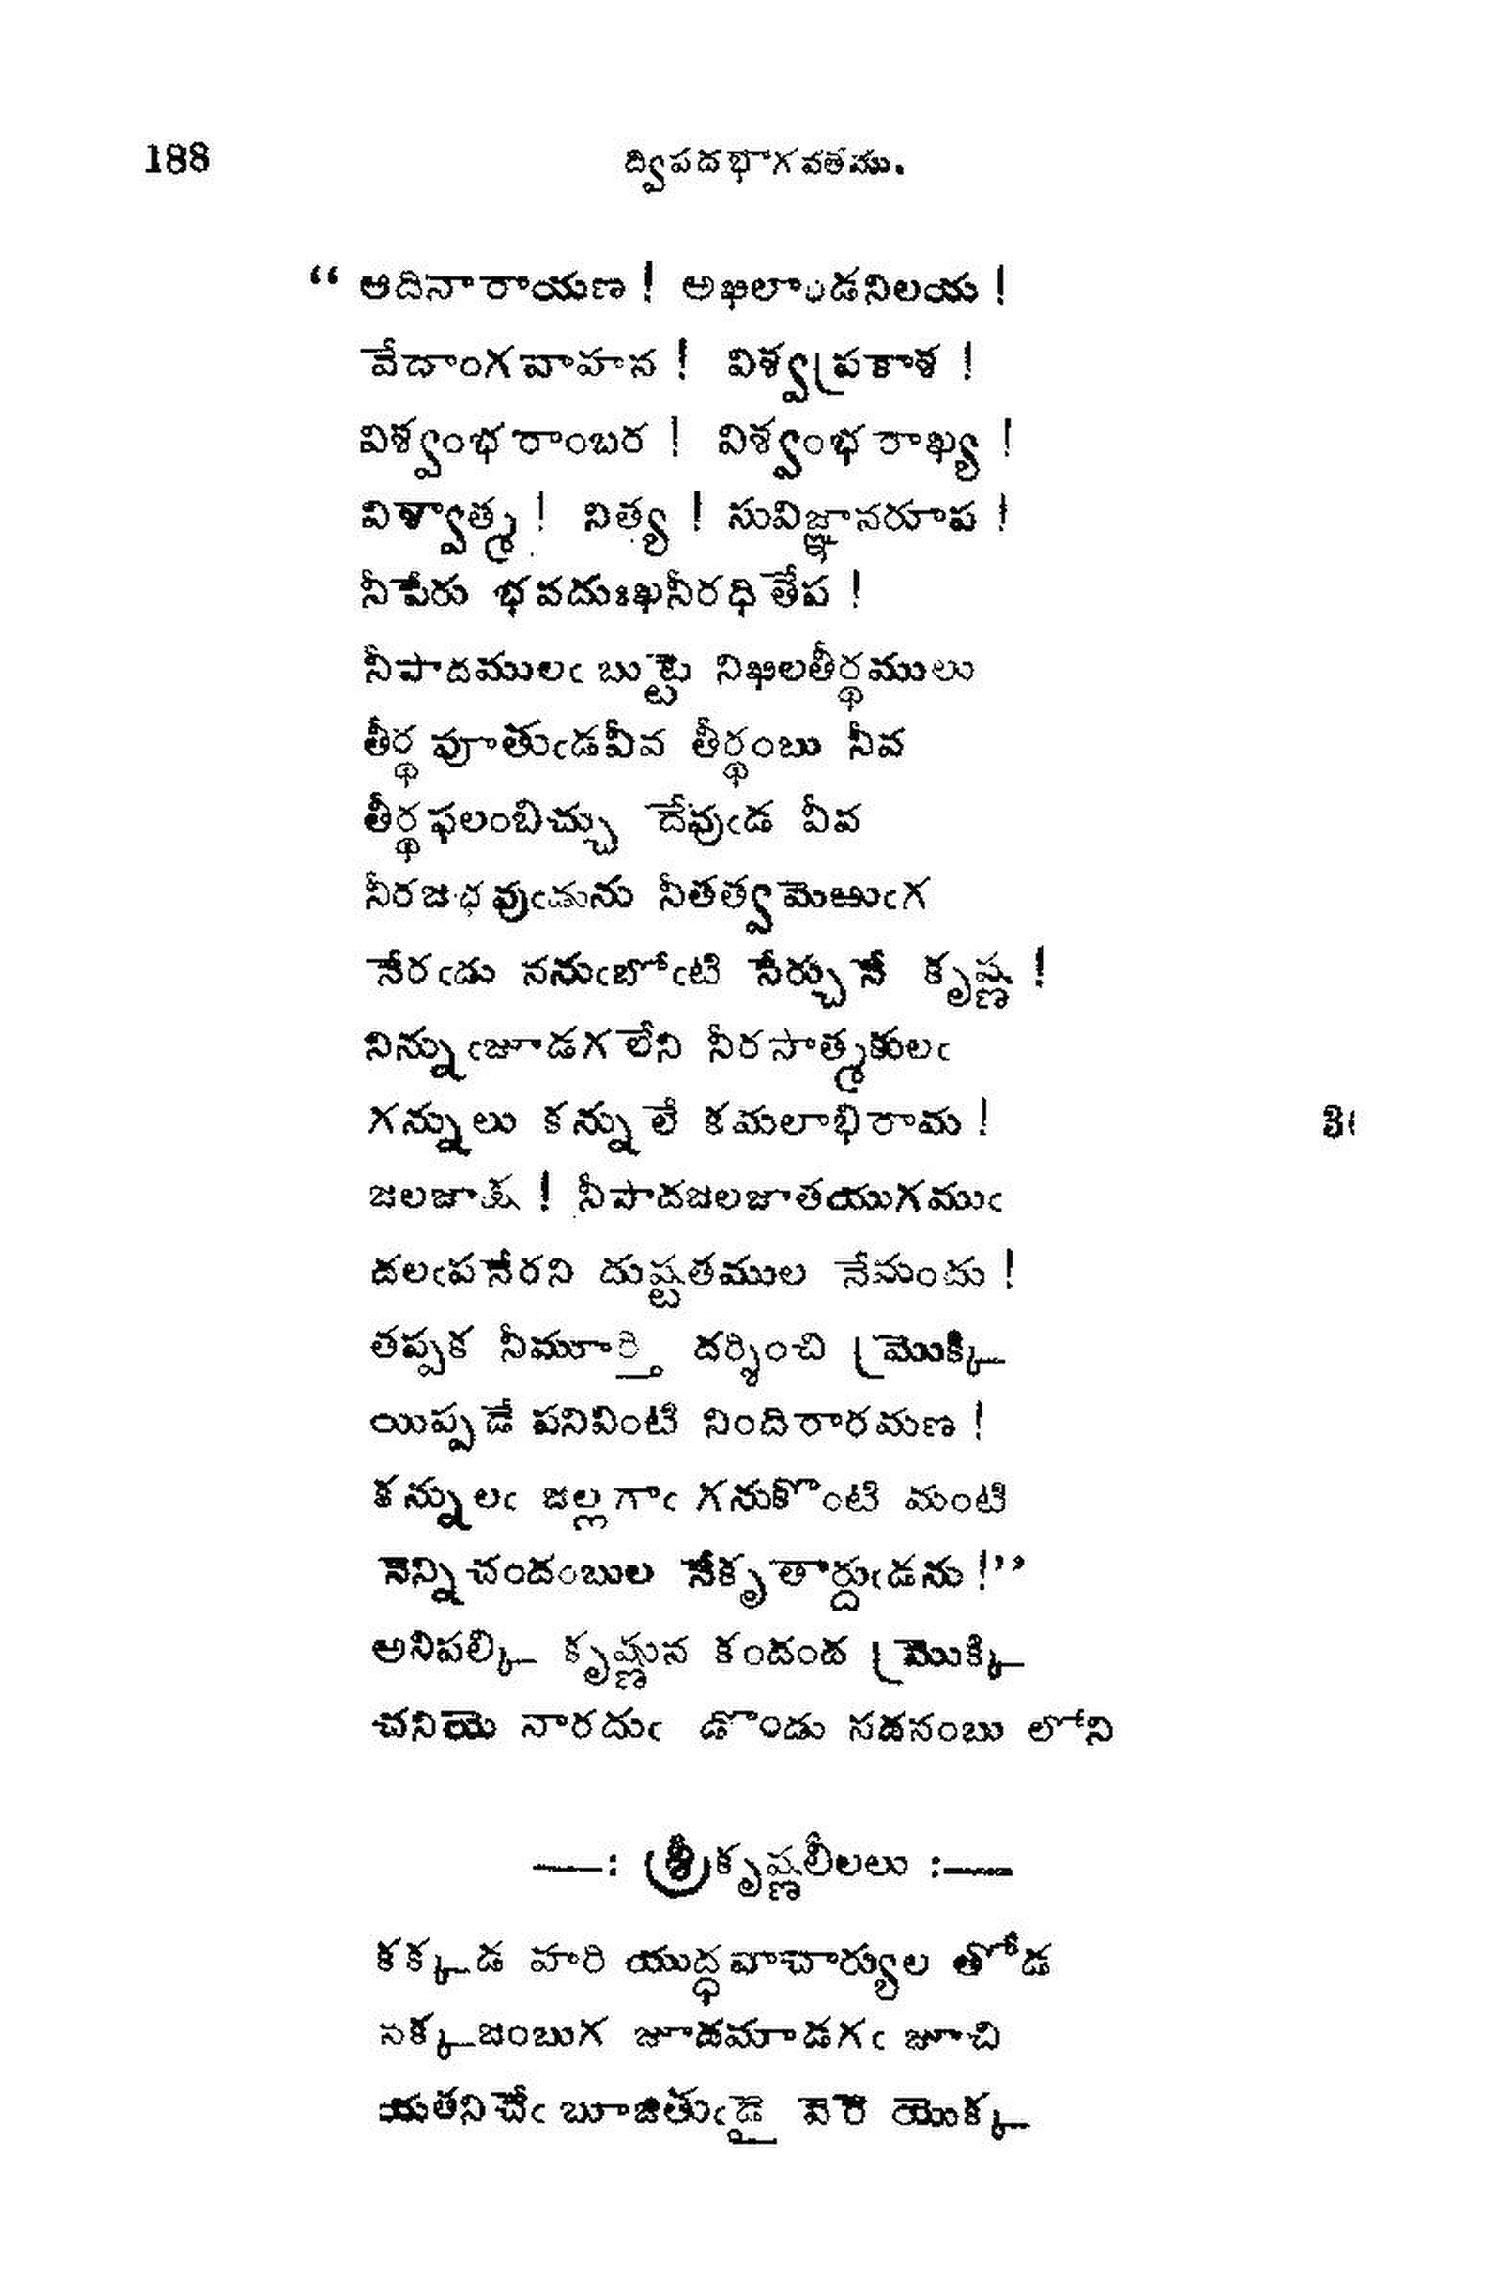“ఆదినారాయణ! అఖిలాండనిలయ! 
వేదాంగవాహన! విశ్వప్రకాశ! 
విశ్వంభరాంబర! విశ్వంభరాఖ్య! 
విశ్వాత్మ! నిత్య! సువిజ్ఞానరూప! 
నీపేరు భవదుఃఖనీరధితేప! 
నీపాదములఁ బుట్టె నిఖిలతీర్థములు
తీర్థపూతుఁడవీవ తీర్థంబు నీవ
తీర్థఫలంబిచ్చు దేవుఁడ వీవ
నీరజభవుఁడును నీతత్వమెఱుఁగ
నేరఁడు ననుఁబోఁటి నేర్చునే కృష్ణ! 
నిన్నుఁజూడగలేని నీరసాత్మకులఁ
గన్నులు కన్నులే కమలాభిరామ!
జలజాక్ష! నీపాదజలజాతయుగముఁ
దలఁపనేరని దుష్టతముల నేమందు! 
తప్పక నీమూర్తి దర్శించి మ్రొక్కి
యిప్పుడే పనివింటి నిందిరారమణ! 
కన్నులఁ జల్లగాఁ గనుగొంటి మంటి
నెన్నిచందంబుల నేకృతార్దఁడను!” 
అనిపల్కి కృష్ణున కందంద మ్రొక్కి
చనియె నారదుఁ డొండు సదనంబులోని

కక్కడ హరి యుద్ధవాచార్యు తోడ 
నక్కజంబుగఁ జూదమాడగఁ జూచి
యతనిచేఁ బూజితుఁడై వేరె యొక్క